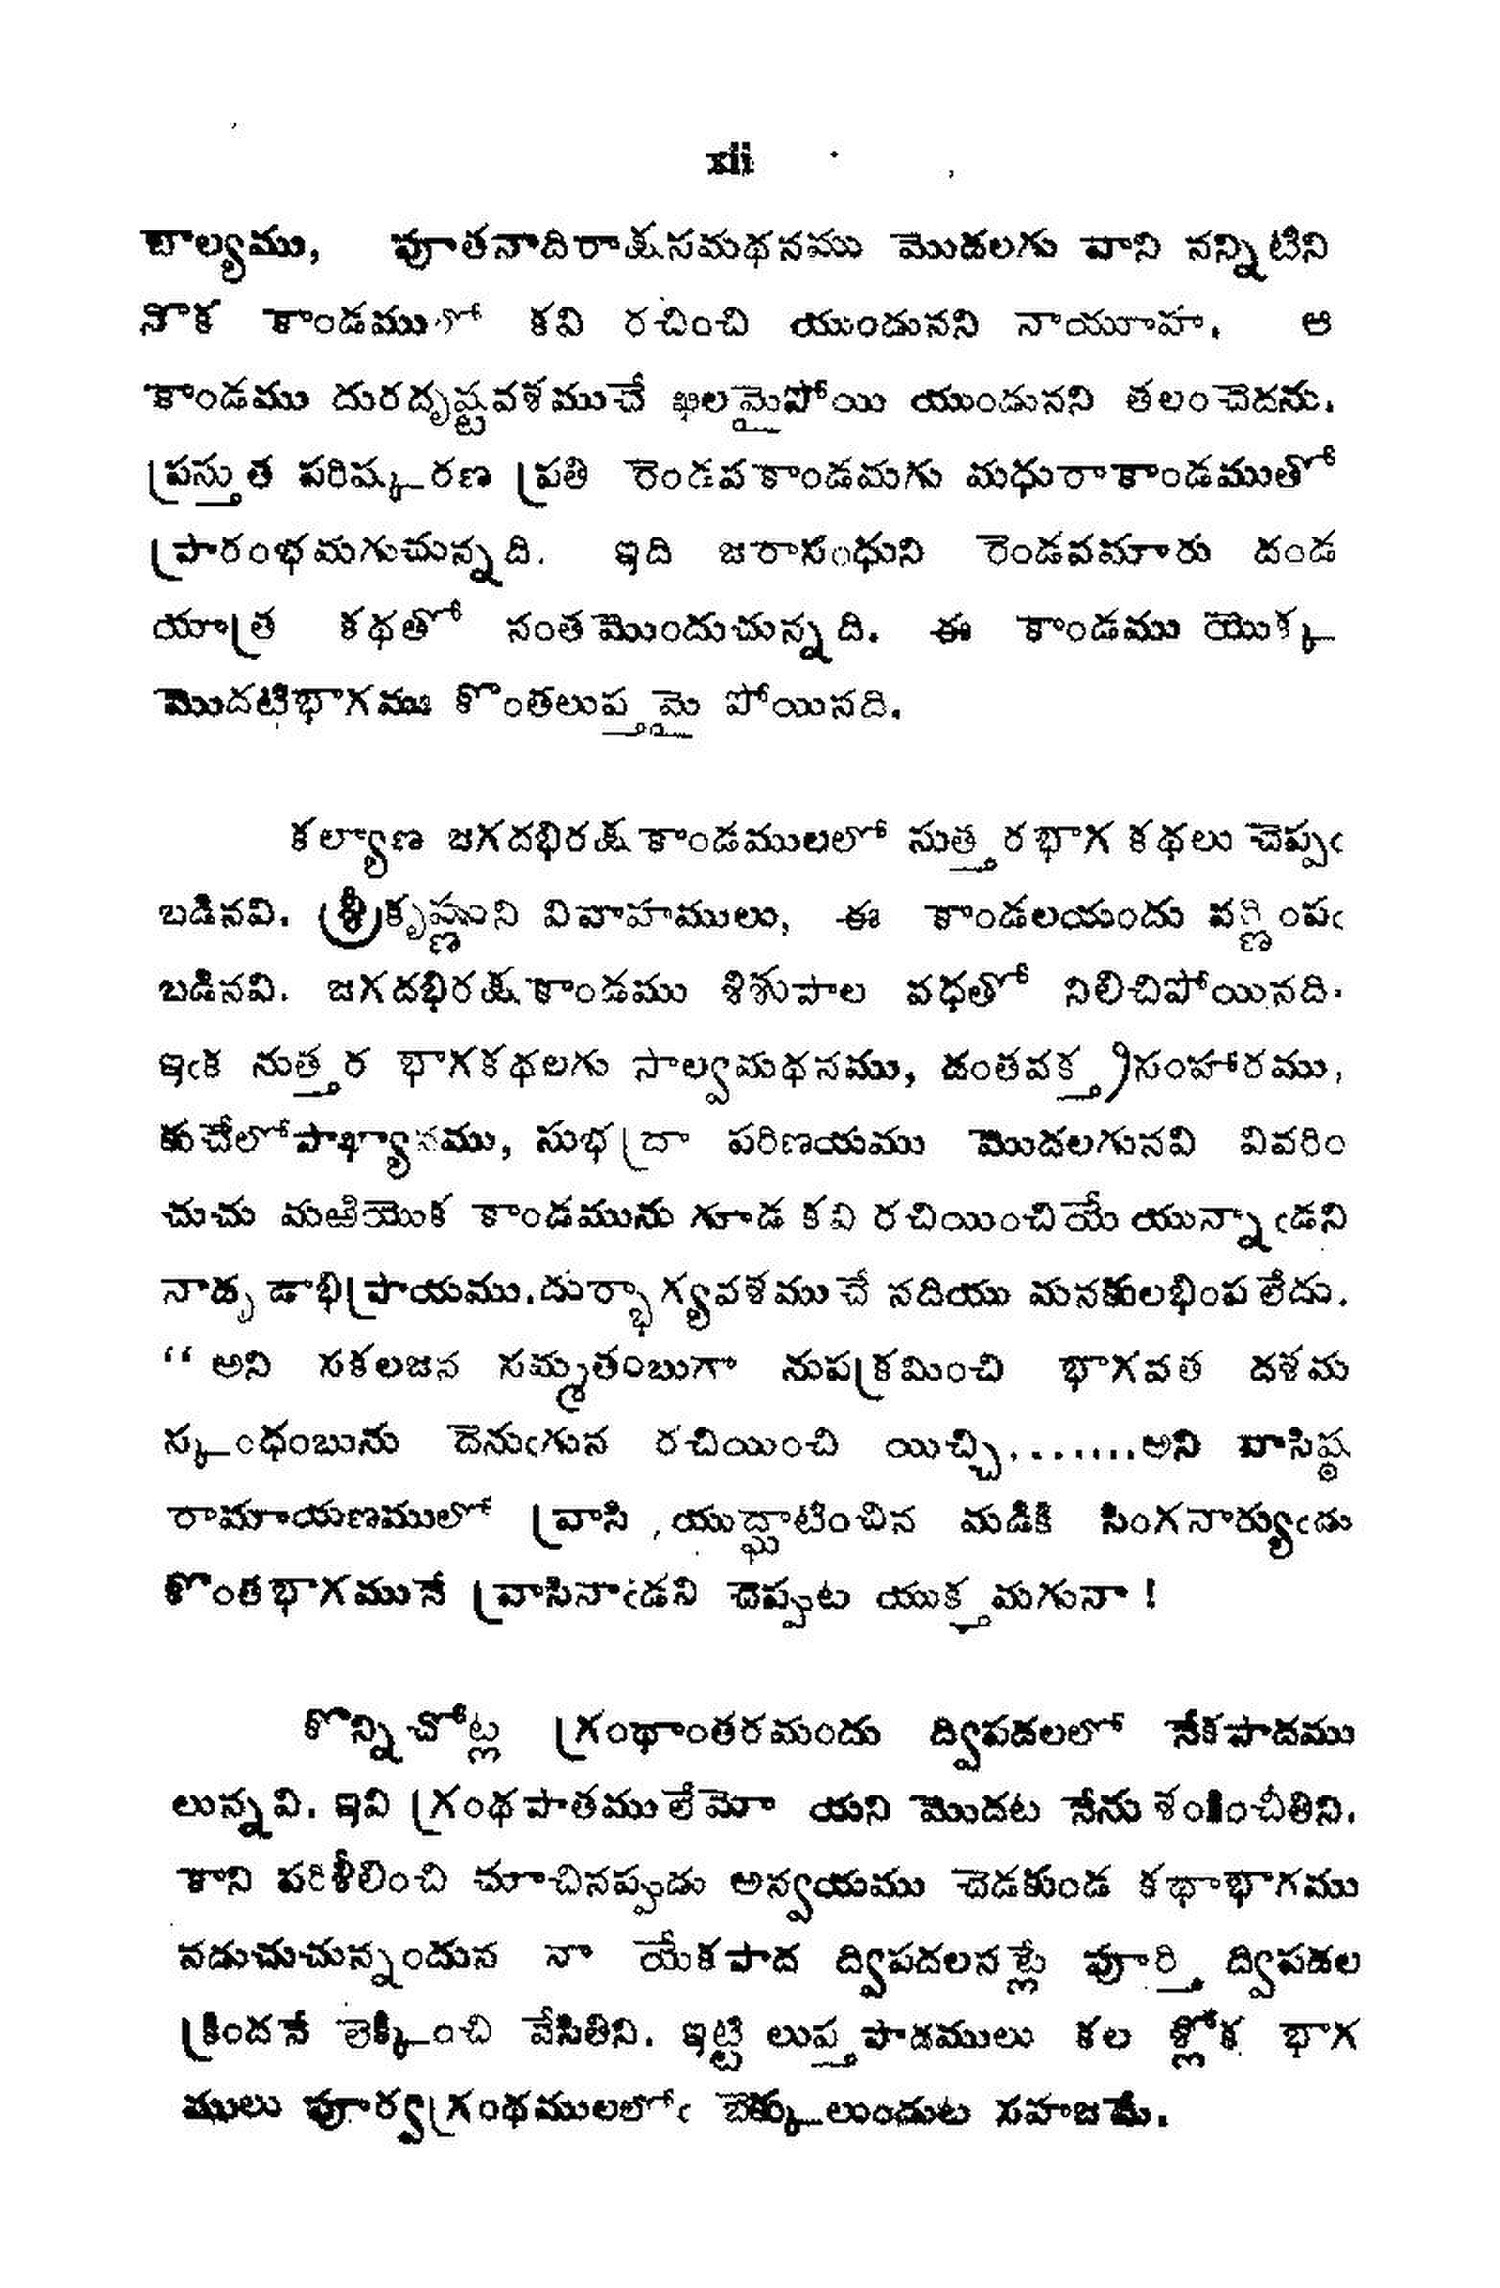బాల్యము, పూతనాది రాక్షసమథనము మొదలగువాని నన్నిటిని నొక కాండములో కవి రచించి యుండునని నాయూహ. ఆ కాండము దురదృష్టవశముచే ఖిలమైపోయి యుండునని తలంచెదను. ప్రస్తుత పరిష్కరణ ప్రతి రెండవకాండమగు మదురాకాండముతో ప్రారంభమగుచున్నది. ఇది జరాసంధుని రెండవమారు దండయాత్ర కథతో నంతమొందుచున్నది. ఈ కాండము యొక్క మొదటిభాగము కొంత లుప్తమై పోయినది. 

కల్యాణ జగదభిరక్ష కాండములలో నుత్తరభాగ కథలు చెప్పఁబడినవి. శ్రీకృష్ణుని వివాహములు, ఈ కాండల యందు వర్ణింపఁబడినవి. జగదభిరక్షకాండము శిశుపాల వధతో నిలచిపోయినది. ఇఁక నుత్తర భాగ కథలగు సాల్వమథనము, దంతవక్త్రసంహారము, కుచేలోపాఖ్యానము, సుభద్రా పరిణయము మొదలగునవి వివరించుచు మఱియొక కాండమును గూడ కవి రచించియే యున్నాఁడని నాధృడాభిప్రాయము. దుర్భాగ్యవశముచే నదియు మనకు లభింపలేదు. “అని సకలజన సమ్మతంబుగా నుపక్రమించి భాగవత దశమస్కంధంబును దెనుఁగున రచియించి యిచ్చి …….” అని వాసిష్ఠరామాయణములో వ్రాసి యుద్ఘాటించిన మడికిసింగనార్యుఁడు కొంతభాగమునే వ్రాసినాఁ డని చెప్పుట యుక్తమగునా?

కొన్నిచోట్ల గ్రంథాంతరమందు ద్విపదలలో నేకపాదము లున్నవి. ఇవి గ్రంథపాతములేమో యని మొదట నేను శంకించితిని. కాని పరిశీలించి చూచినప్పుడు అన్వయము చెడకుండ కథాభాగము నడుచుచున్నందున నా యేకపాద ద్విపదలనట్లే పూర్తి ద్విపదల క్రిందనే లెక్కించి వేసితిని. ఇట్టి లుప్తపాదములు కల శ్లోకభాగములు పూర్వగ్రంథములలోఁ బెక్కు లుండుట సహజమే.